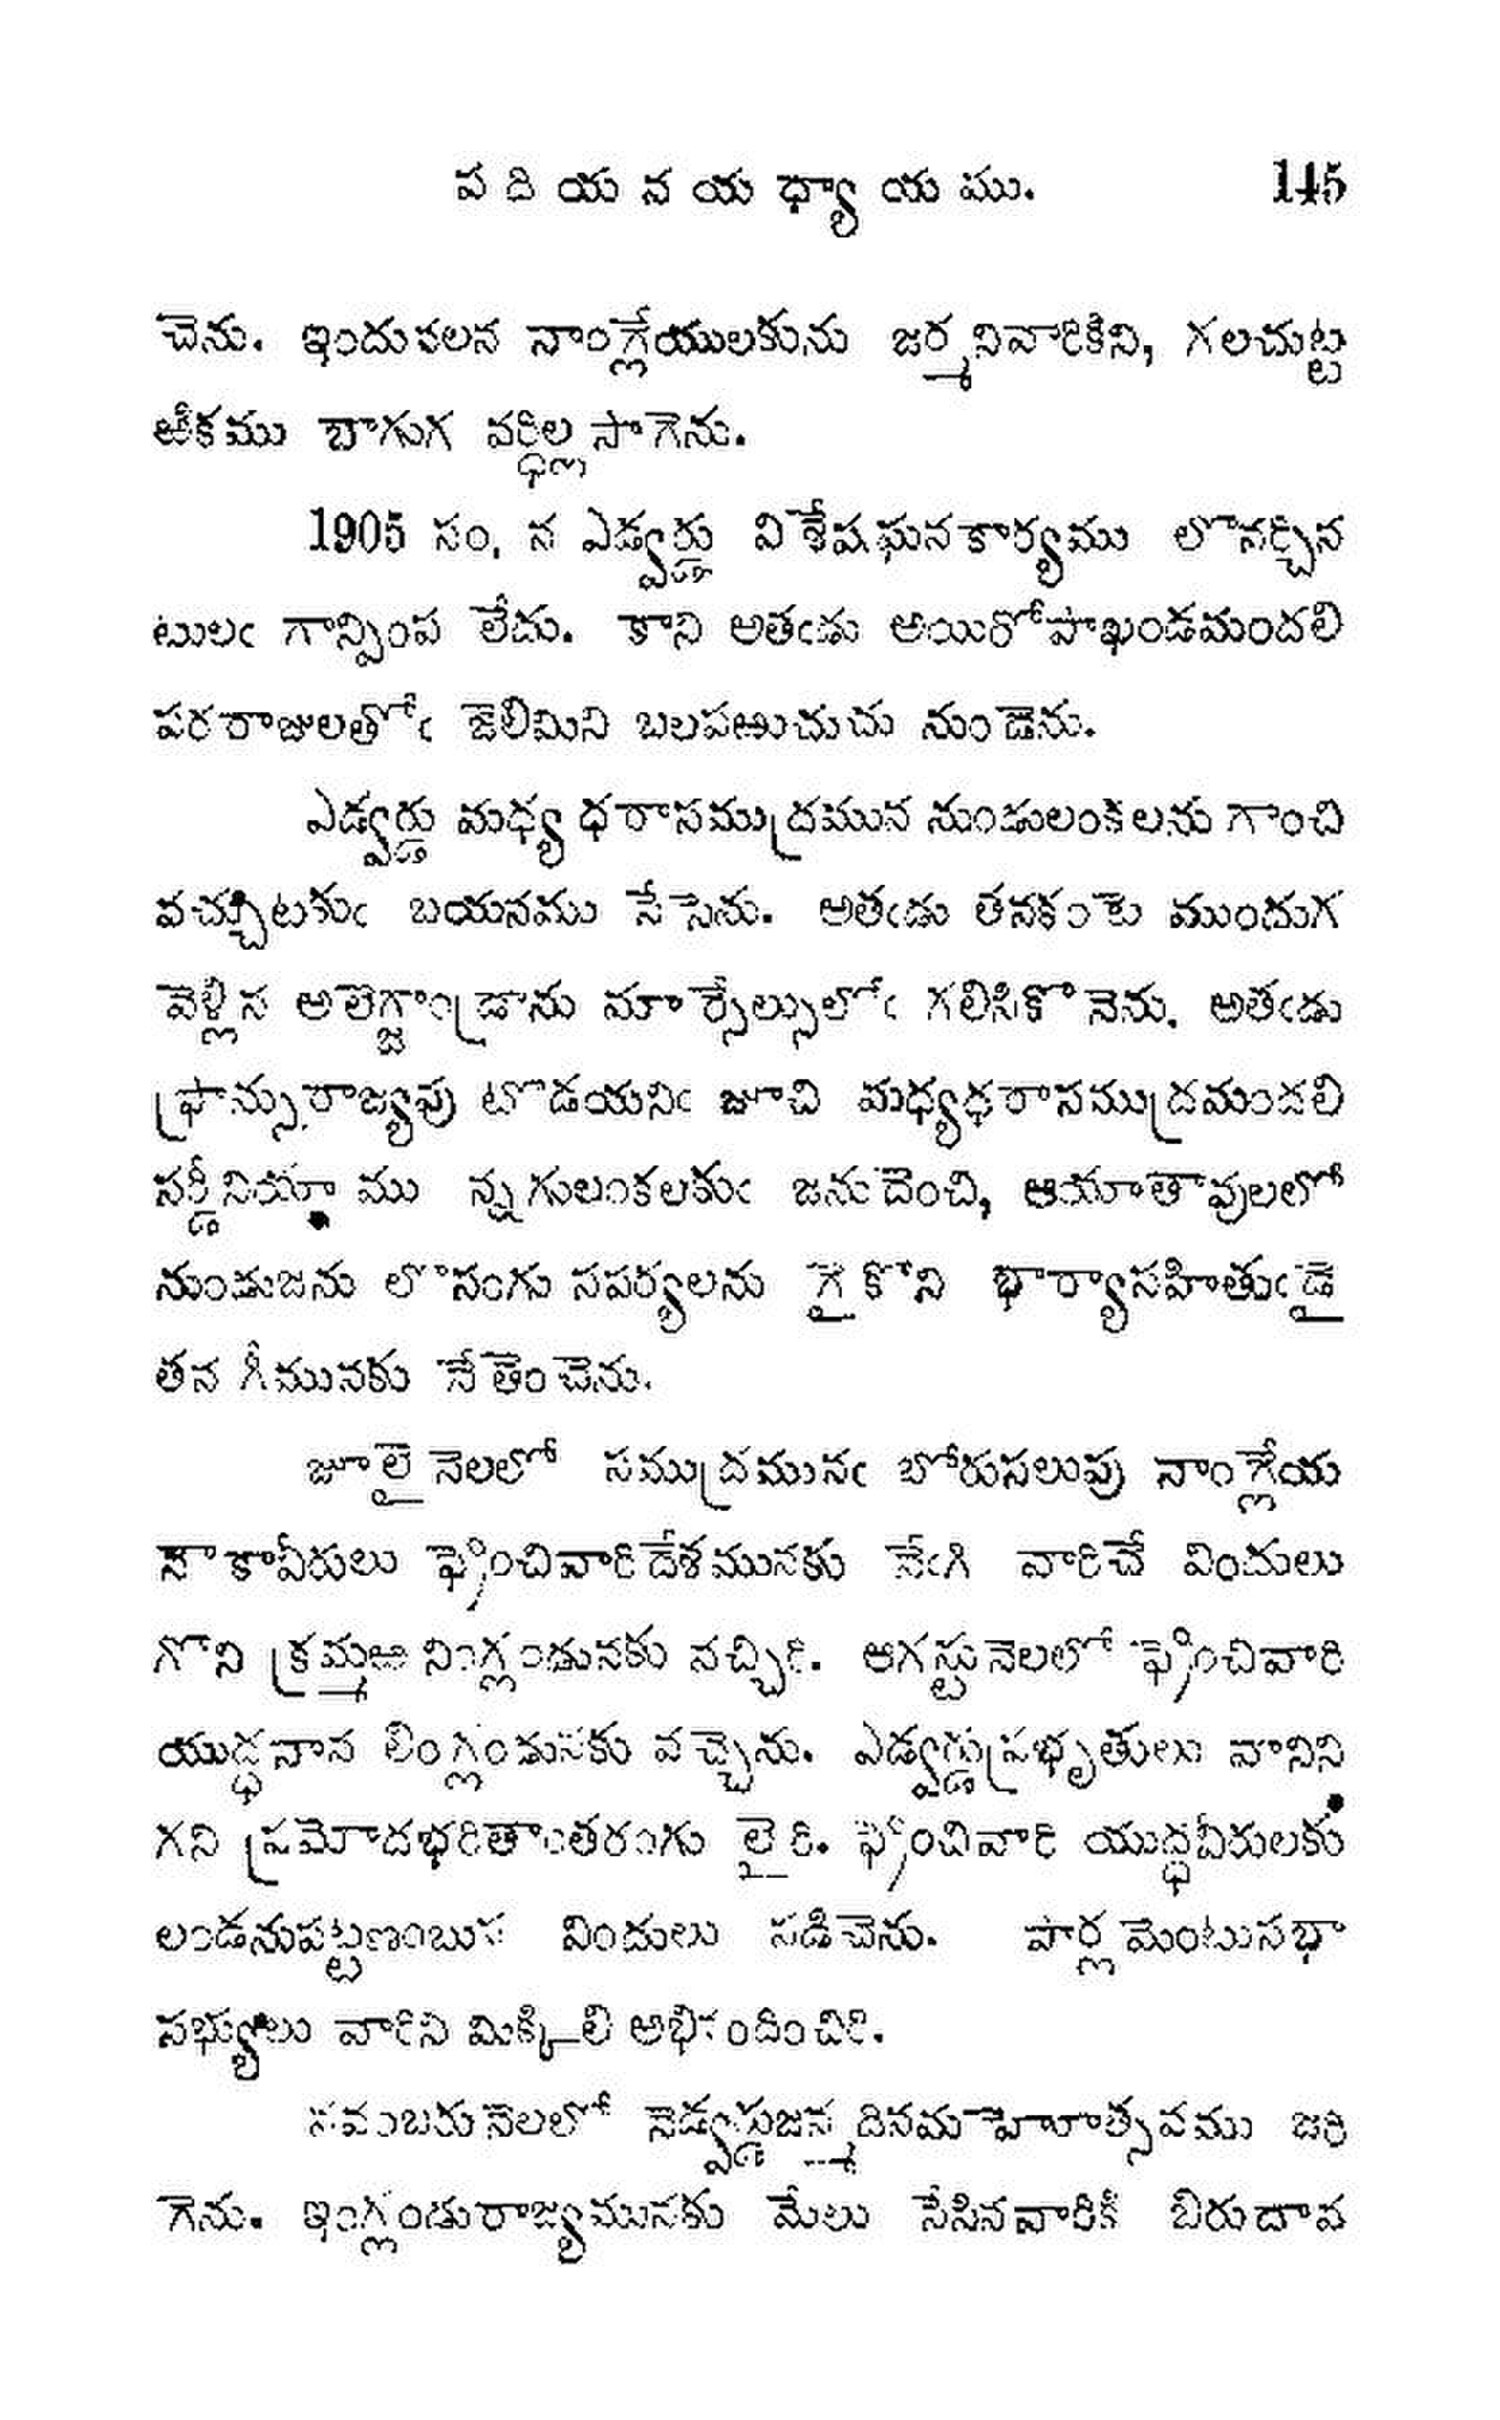చెను. ఇందు వలన నాంగ్లేయులకును జర్మనివారికిని, గలచుట్ట ఱికము బాగుగ వర్ణిల్ల సాగెను.

1905 సం, న ఎడ్వర్డు విశేషఘన కార్యము లొనర్చిన టులఁ గాన్పింప లేదు. కాని అతఁడు అయిరోపా ఖండ మందలి పర రాజులతోఁ జెలిమిని బలపఱుచు నుండెను.

ఎడ్వర్లు మధ్య ధరాసముద్రమున నుండు లంకలను గాంచి వచ్చుటకుఁ బయనము సేసెను. అతఁడు తనకు ముందుగ వెళ్లిన అలెగ్జాండ్రాను మార్సేల్సులోఁ గలిసికొనెను, అతఁడు ఫ్రాన్సు రాజ్యపు టోడయనిఁ జూచి మధ్యధరా సముద్రముండలి వర్జీనియా మున్నగు లంకలకుఁ జను దెంచి, ఆయా తావులలో నుండు జనులొసంగు సపర్యలను గైకొని భార్యాసహితుఁ డై తన గీమునకు "నేతెంచెను.

జూలై నెలలో సముద్రమునఁ బోరుసలుపు నాంగ్లేయ నౌకావీరులు "ఫ్రెంచి వారి దేశమునకు నేఁగి వారిచే విందులు గొని క్రమ్మఱ నింగ్లండునకు నచ్చిరి. ఆగస్టు నెలలో ప్రెంచి వారి యుద్ధ నావ ఆంగ్లంమునకు వచ్చెను. ఎడ్వర్డు ప్రభృతులు వానిని గని ప్రమోదభఃతాంతరణగు లైరి. ఫ్రెంచి వారి యుద్ధ వీరులకు లండను పట్టణంబు విందులు నడిచెను.పార్లమెంటు సభాసభ్యులు వారిని మిక్కిలి అభినందించిరి.

నవంబరు నెలలో నెడ్వర్డు జన్మదిన మహోత్సవము జరి గెను. ఇంగ్లండు రాజ్యమునకు మేలు చేసిన వారికి బిరుదావ